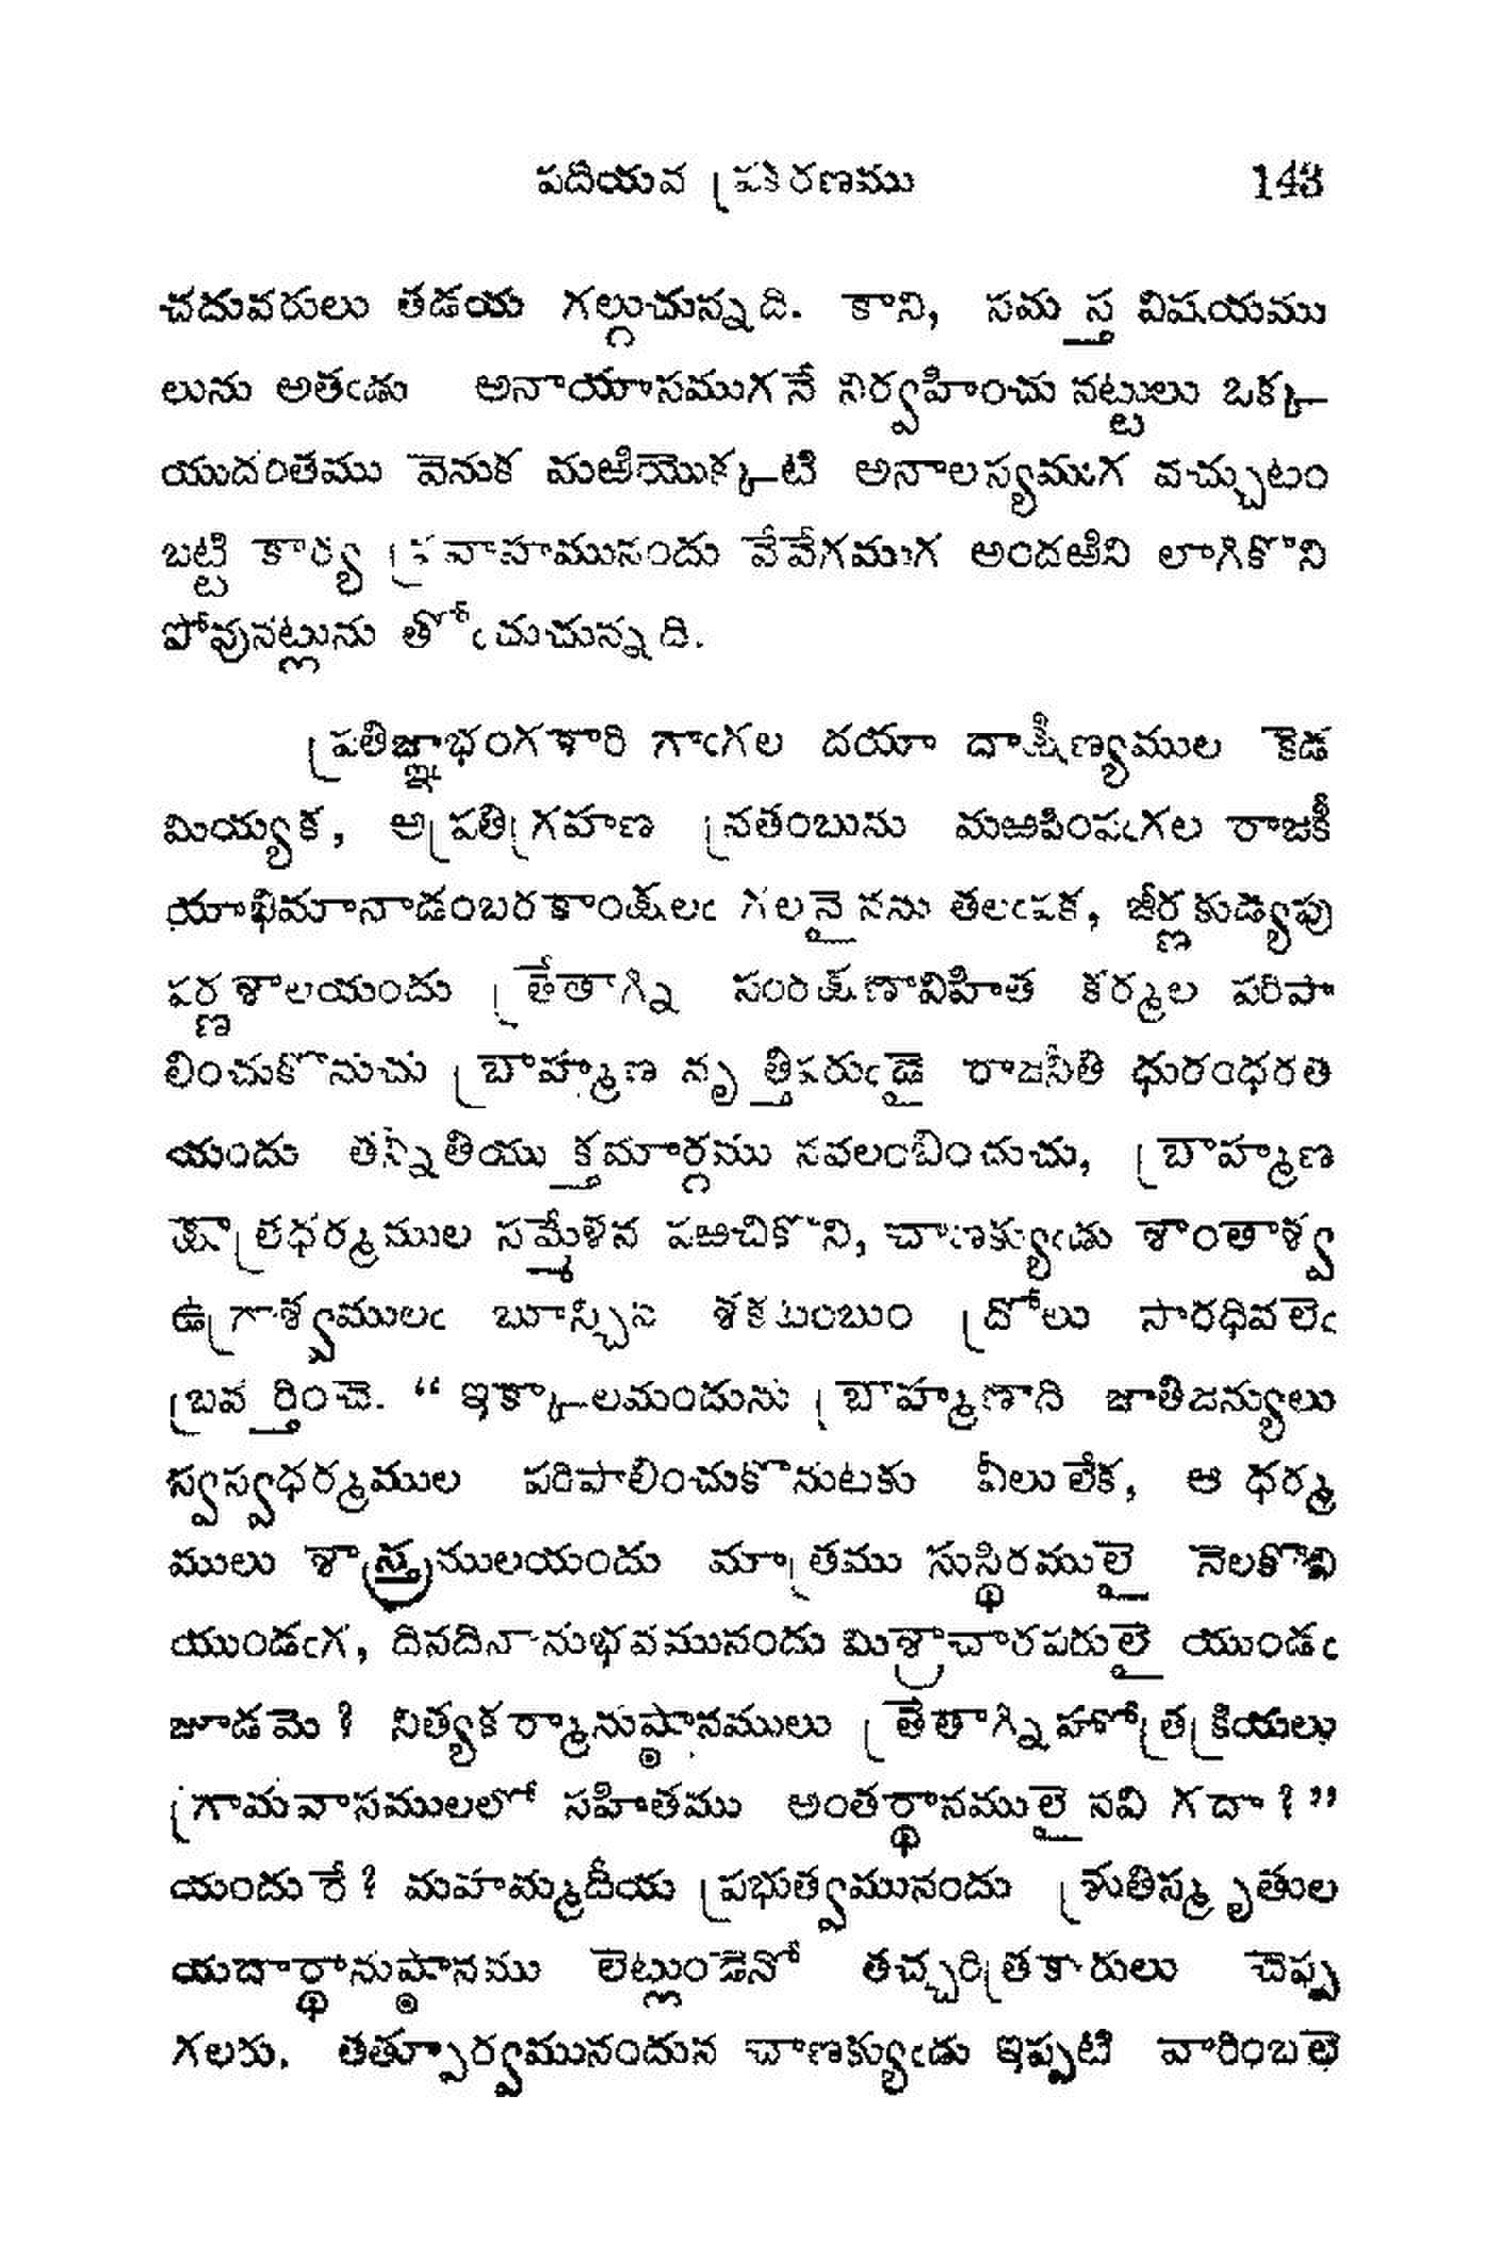చదువరులు తడయ గల్గుచున్నది. కాని, సమస్త విషయములును అతఁడు అనాయాసముగనే నిర్వహించు నట్టులు ఒక్క యుదంతము వెనుక మఱియొక్కటి అనాలస్యముగ వచ్చుటం బట్టి కార్య ప్రహమునందు వేవేగముగ అందఱిని లాగికొని పోవునట్లును తోఁచుచున్నది.

ప్రతిజ్ఞాభంగకారి గాఁగల దయా దాక్షిణ్యముల కెడ మియ్యక , అప్రతిగ్రహణ వ్రతంబును మఱపింపఁగల రాజకీయాభిమానాడంబరకాంక్షలఁ గలనైనను తలఁపక, జీర్ల కుడ్యపు పర్ణశాలయందు త్రేతాగ్ని సంరక్షణావిహిత కర్మల పరిపాలించుకొనుచు బ్రహ్మణ వృత్తిపరుఁడై రాజనీతి ధురంధరత యందు తన్నీతియు క్తమార్గము నవలంబించుచు, బ్రాహ్మణ క్షాత్రధర్మముల సమ్మేళన పఱచికొని, చాణక్యుఁడు శాంతాశ్వ ఉగ్రాశ్వములఁ బూన్చిన శకటంబుం ద్రోలు సారధివలెఁ బ్రవర్తించె. “ఇక్కాలమందును బ్రాహ్మణాది జాతిజన్యులు స్వస్వధర్మముల పరిపాలించుకొనుటకు వీలులేక, ఆ ధర్మములు శాస్త్రములయందు మాత్రము సుస్థిరములై నెలకొని యుండఁగ, దినదినానుభవమునందు మిశ్రాచారపరులై యుండఁ జూడమె? నిత్యకర్మానుష్ఠానములు త్రేతాగ్నిహోత్రక్రియలు గ్రామవాసములలో సహితము అంతర్ధానములై నవి గదా ?" యందు రే? మహమ్మదీయ ప్రభుత్వమునందు శ్రుతిస్మృతుల యదార్థానుష్ఠానము లెట్లుండెనో తచ్చరిత్రకారులు చెప్పగలరు. తత్పూర్వమునందున చాణక్యుఁడు ఇప్పటి వారింబలె